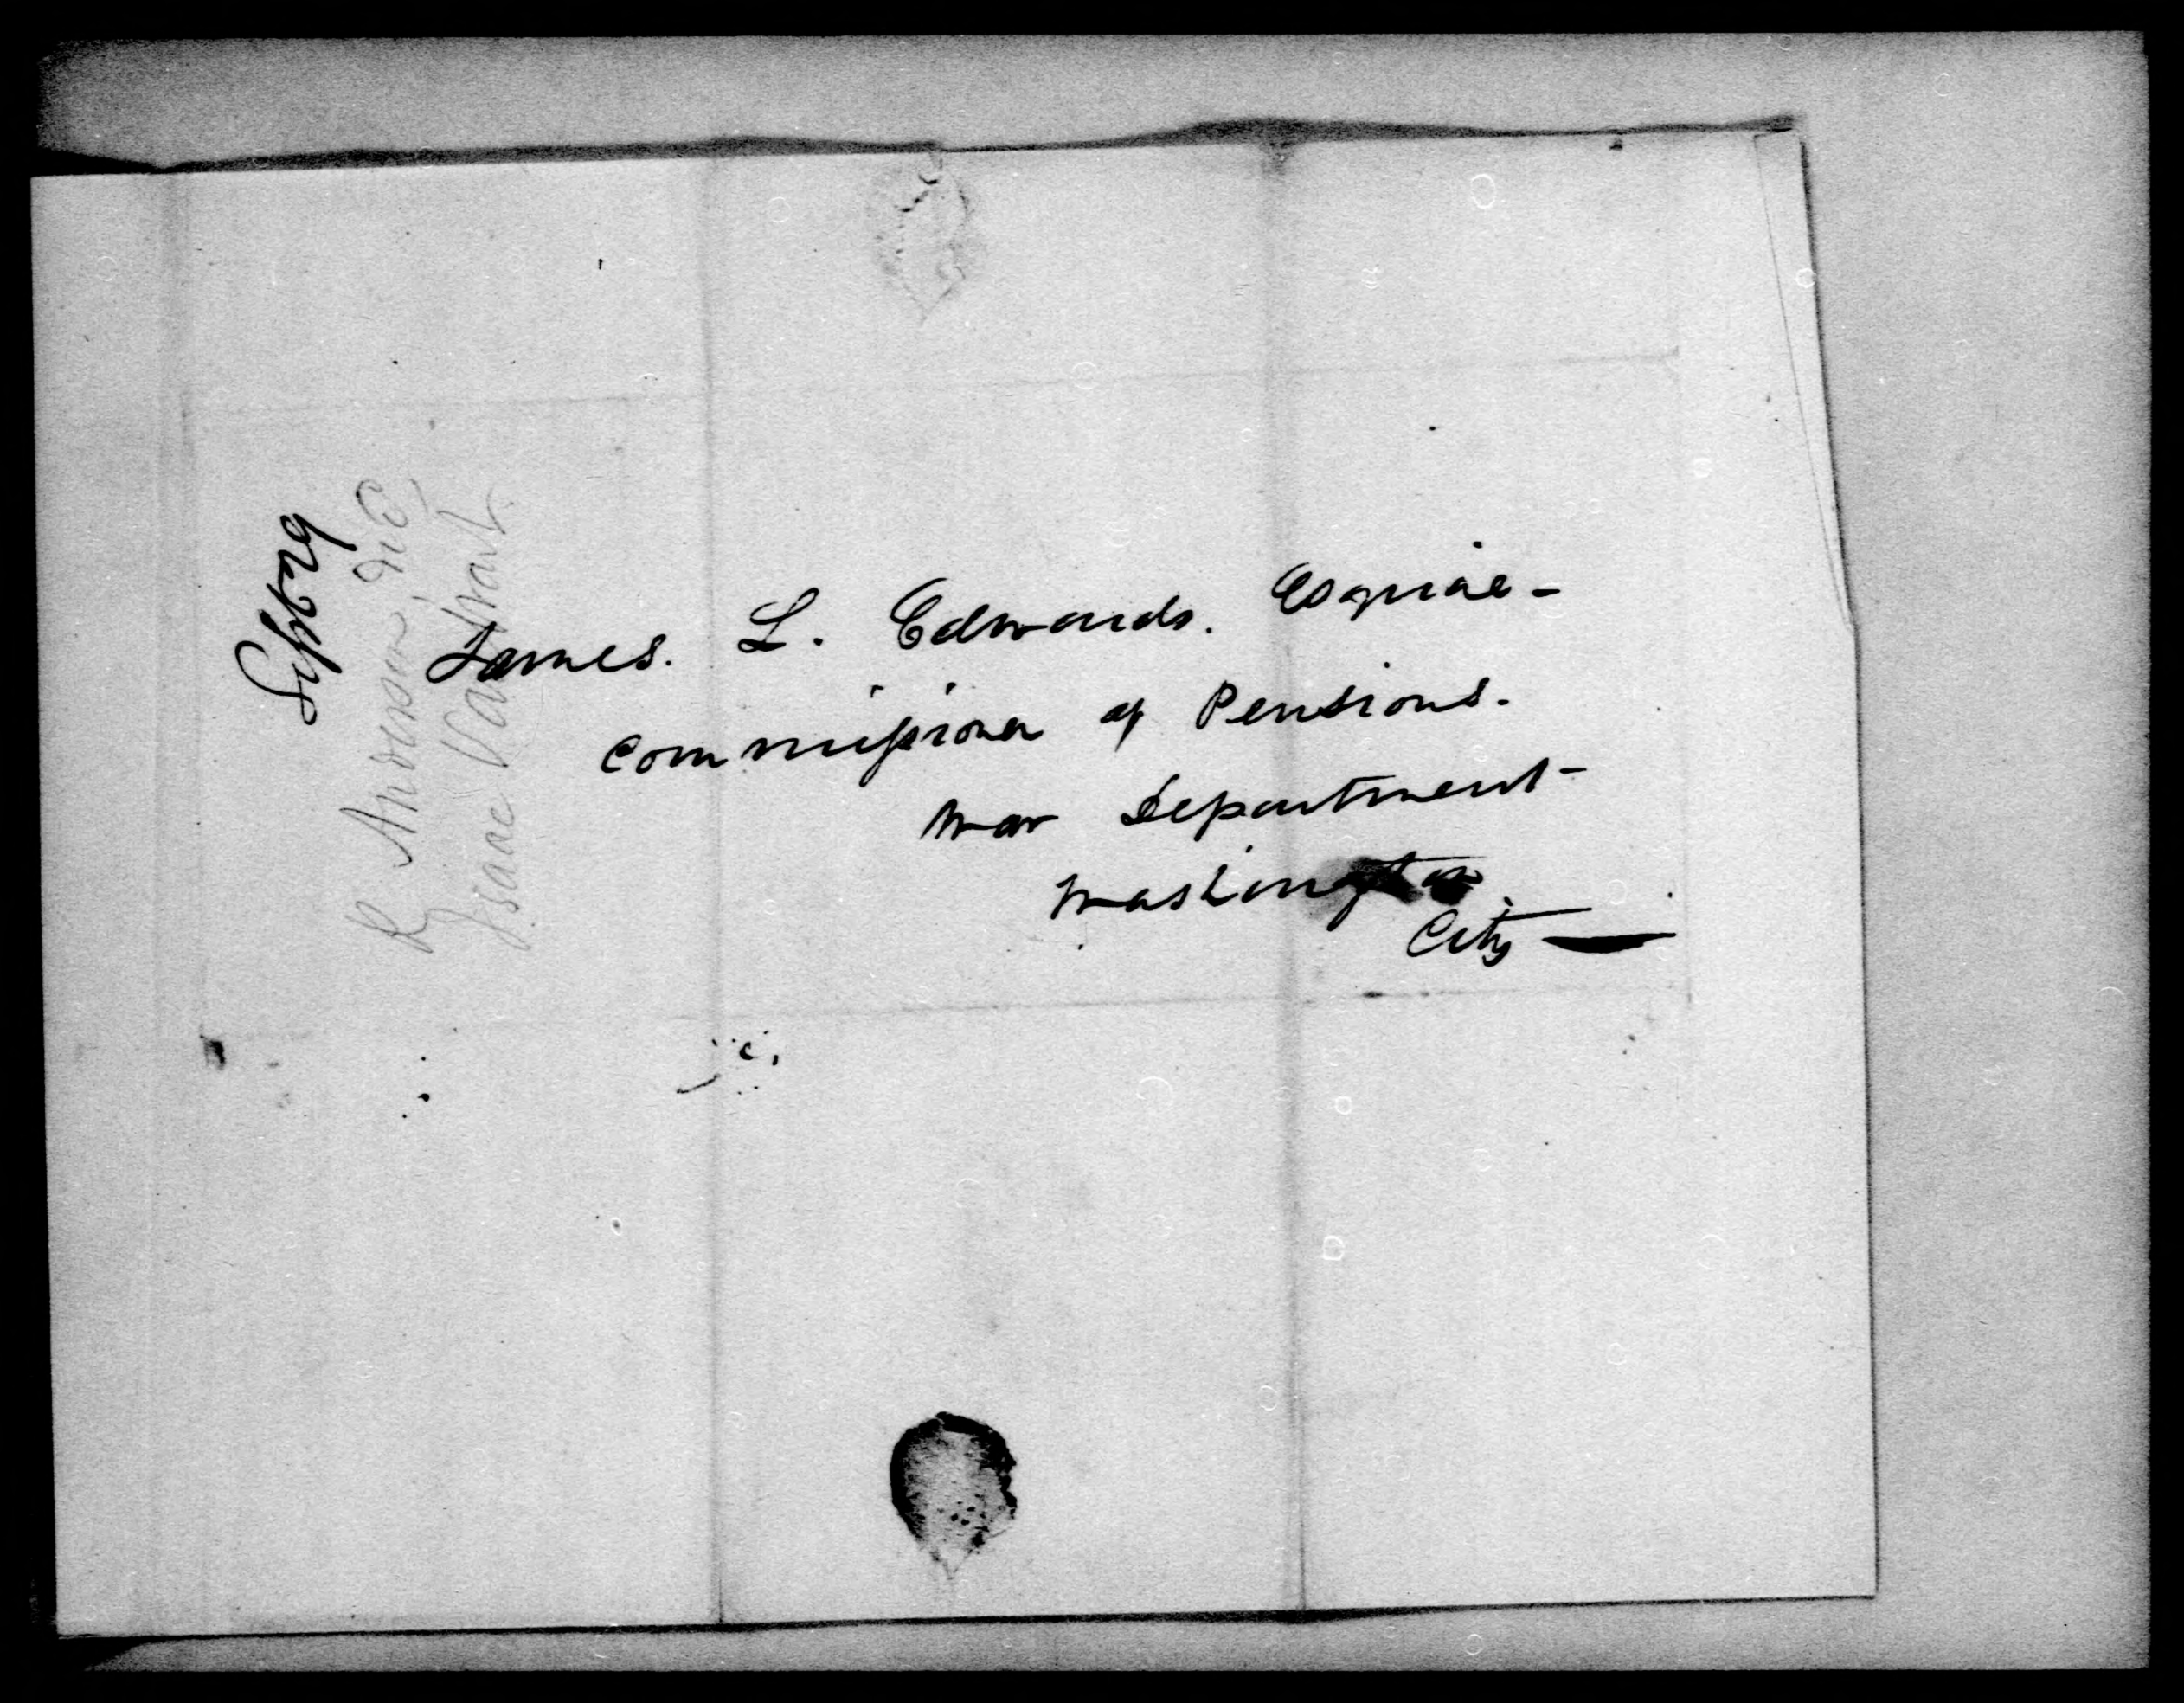Sept 29
R Anderson HR
Isaac Van Wart

James L. Edwards, Esquire
Commissioner of Pensions
War Department
Washington City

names: Isaac Van Wart, James L Edwards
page: 45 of 102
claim: widow's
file: W. 18239, Isaac Van Wart, New York